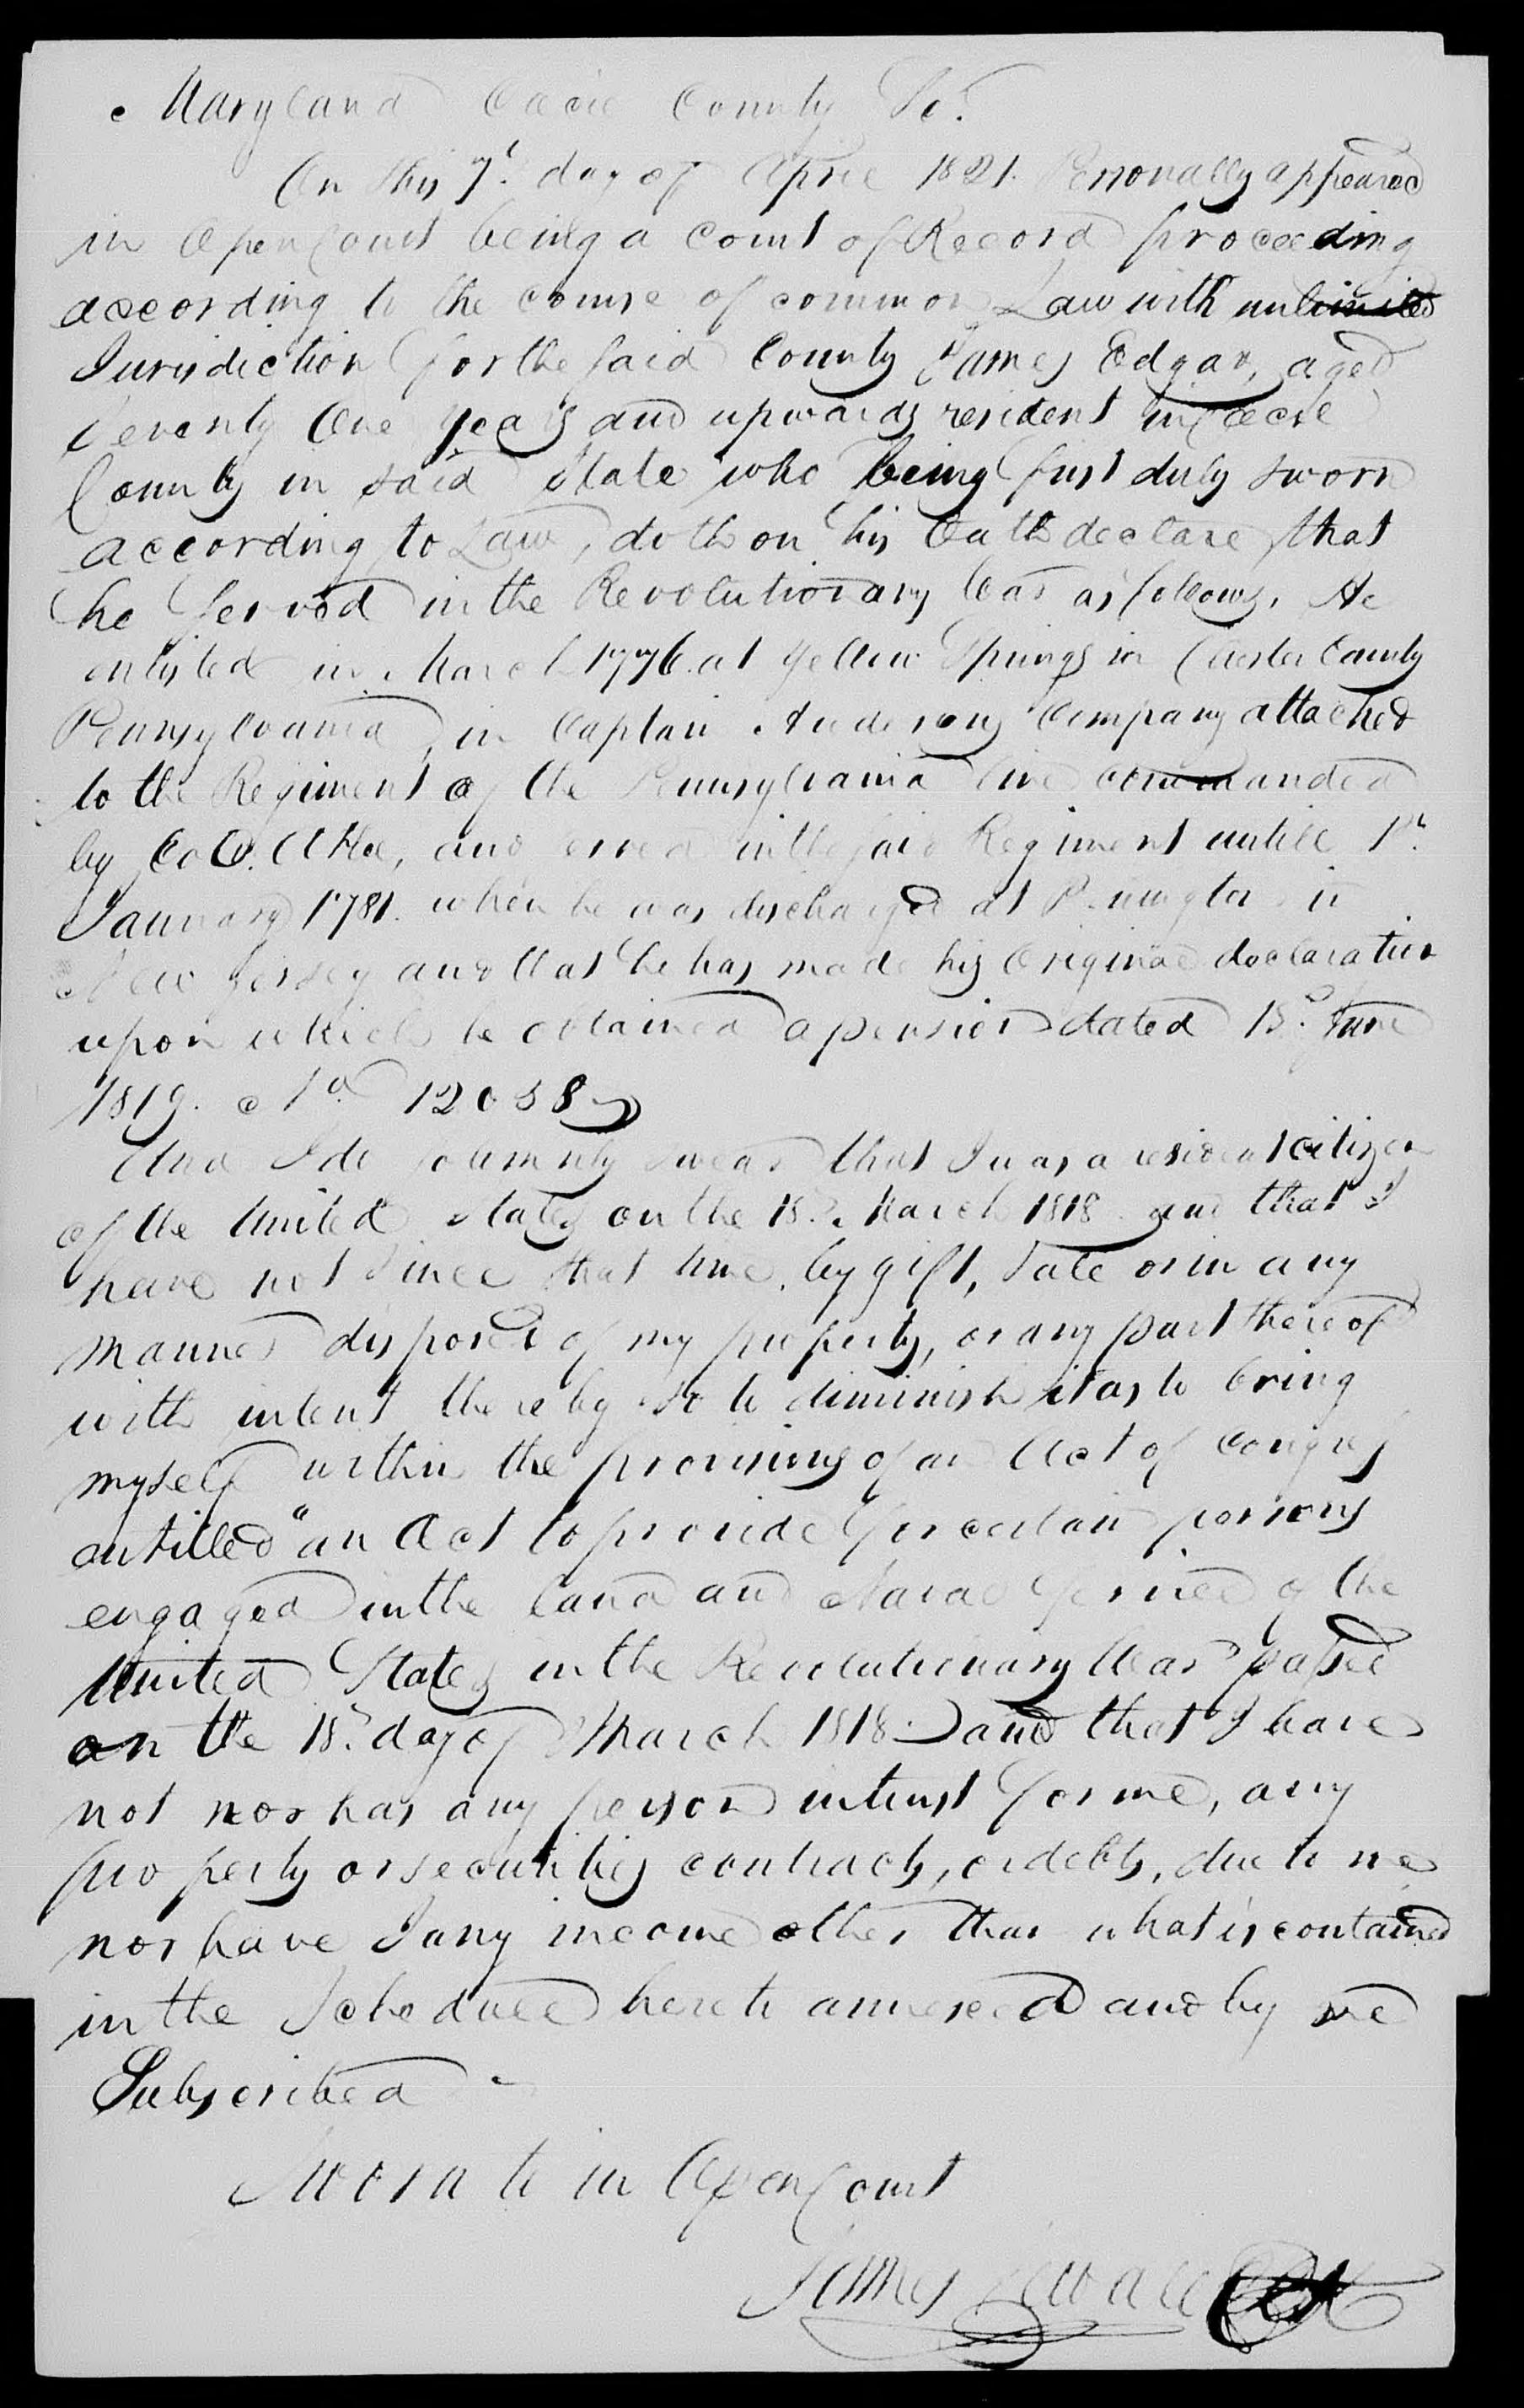Maryland Cecil County No.
On this 7th day of April 1821 personally appeared
in open Court being a Court of Record proceeding
according to the course of common law with unlimited
Jurisdiction for the said County James Edgar, aged
Seventy one years and upwards resident in Cecil 
county in said State who being first duly sworn
according to law, doth on his Oath declare that
he served in the Revolutionary war as follows. He
enlisted in March 1776 at Yellow Springs in Custer County
Pennsylvania in Captain (illegible) Company attached
to the Regiment of the Pennsylvania line commanded
by Col. Atlee and give the said Regiment until 1st
January 1781 when he was discharged at Penington in
New Jersey and that he has made his original declaration
upon which he obtained a pension dated 15 June
1819. @1a12088
And I do solemnly swear that I was a resident/citizen
of the United States on the 15 March 1818 and that I
have not since that time by gift, sale or in any
manner, disposed of my property, or any part thereof
with intent thereby to diminish it as to bring
myself within the provisions of an act of Congress
entitled "an act to provide for certain persons
engaged in the land and Naval service of the
United States in the Revolutionary war passed
on the 18 day of March 1818 and that I have
not nor has any person in trust for me, any
property or securities contract, or debts due to me
nor have I any income other than what is contained
in the Schedule hereto annexed and by me
Subscribed
Sworn to in Open Court
James Sewall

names: James Sewall, James Edgar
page: 70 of 74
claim: widow's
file: W. 9422, James Edgar, Penn.